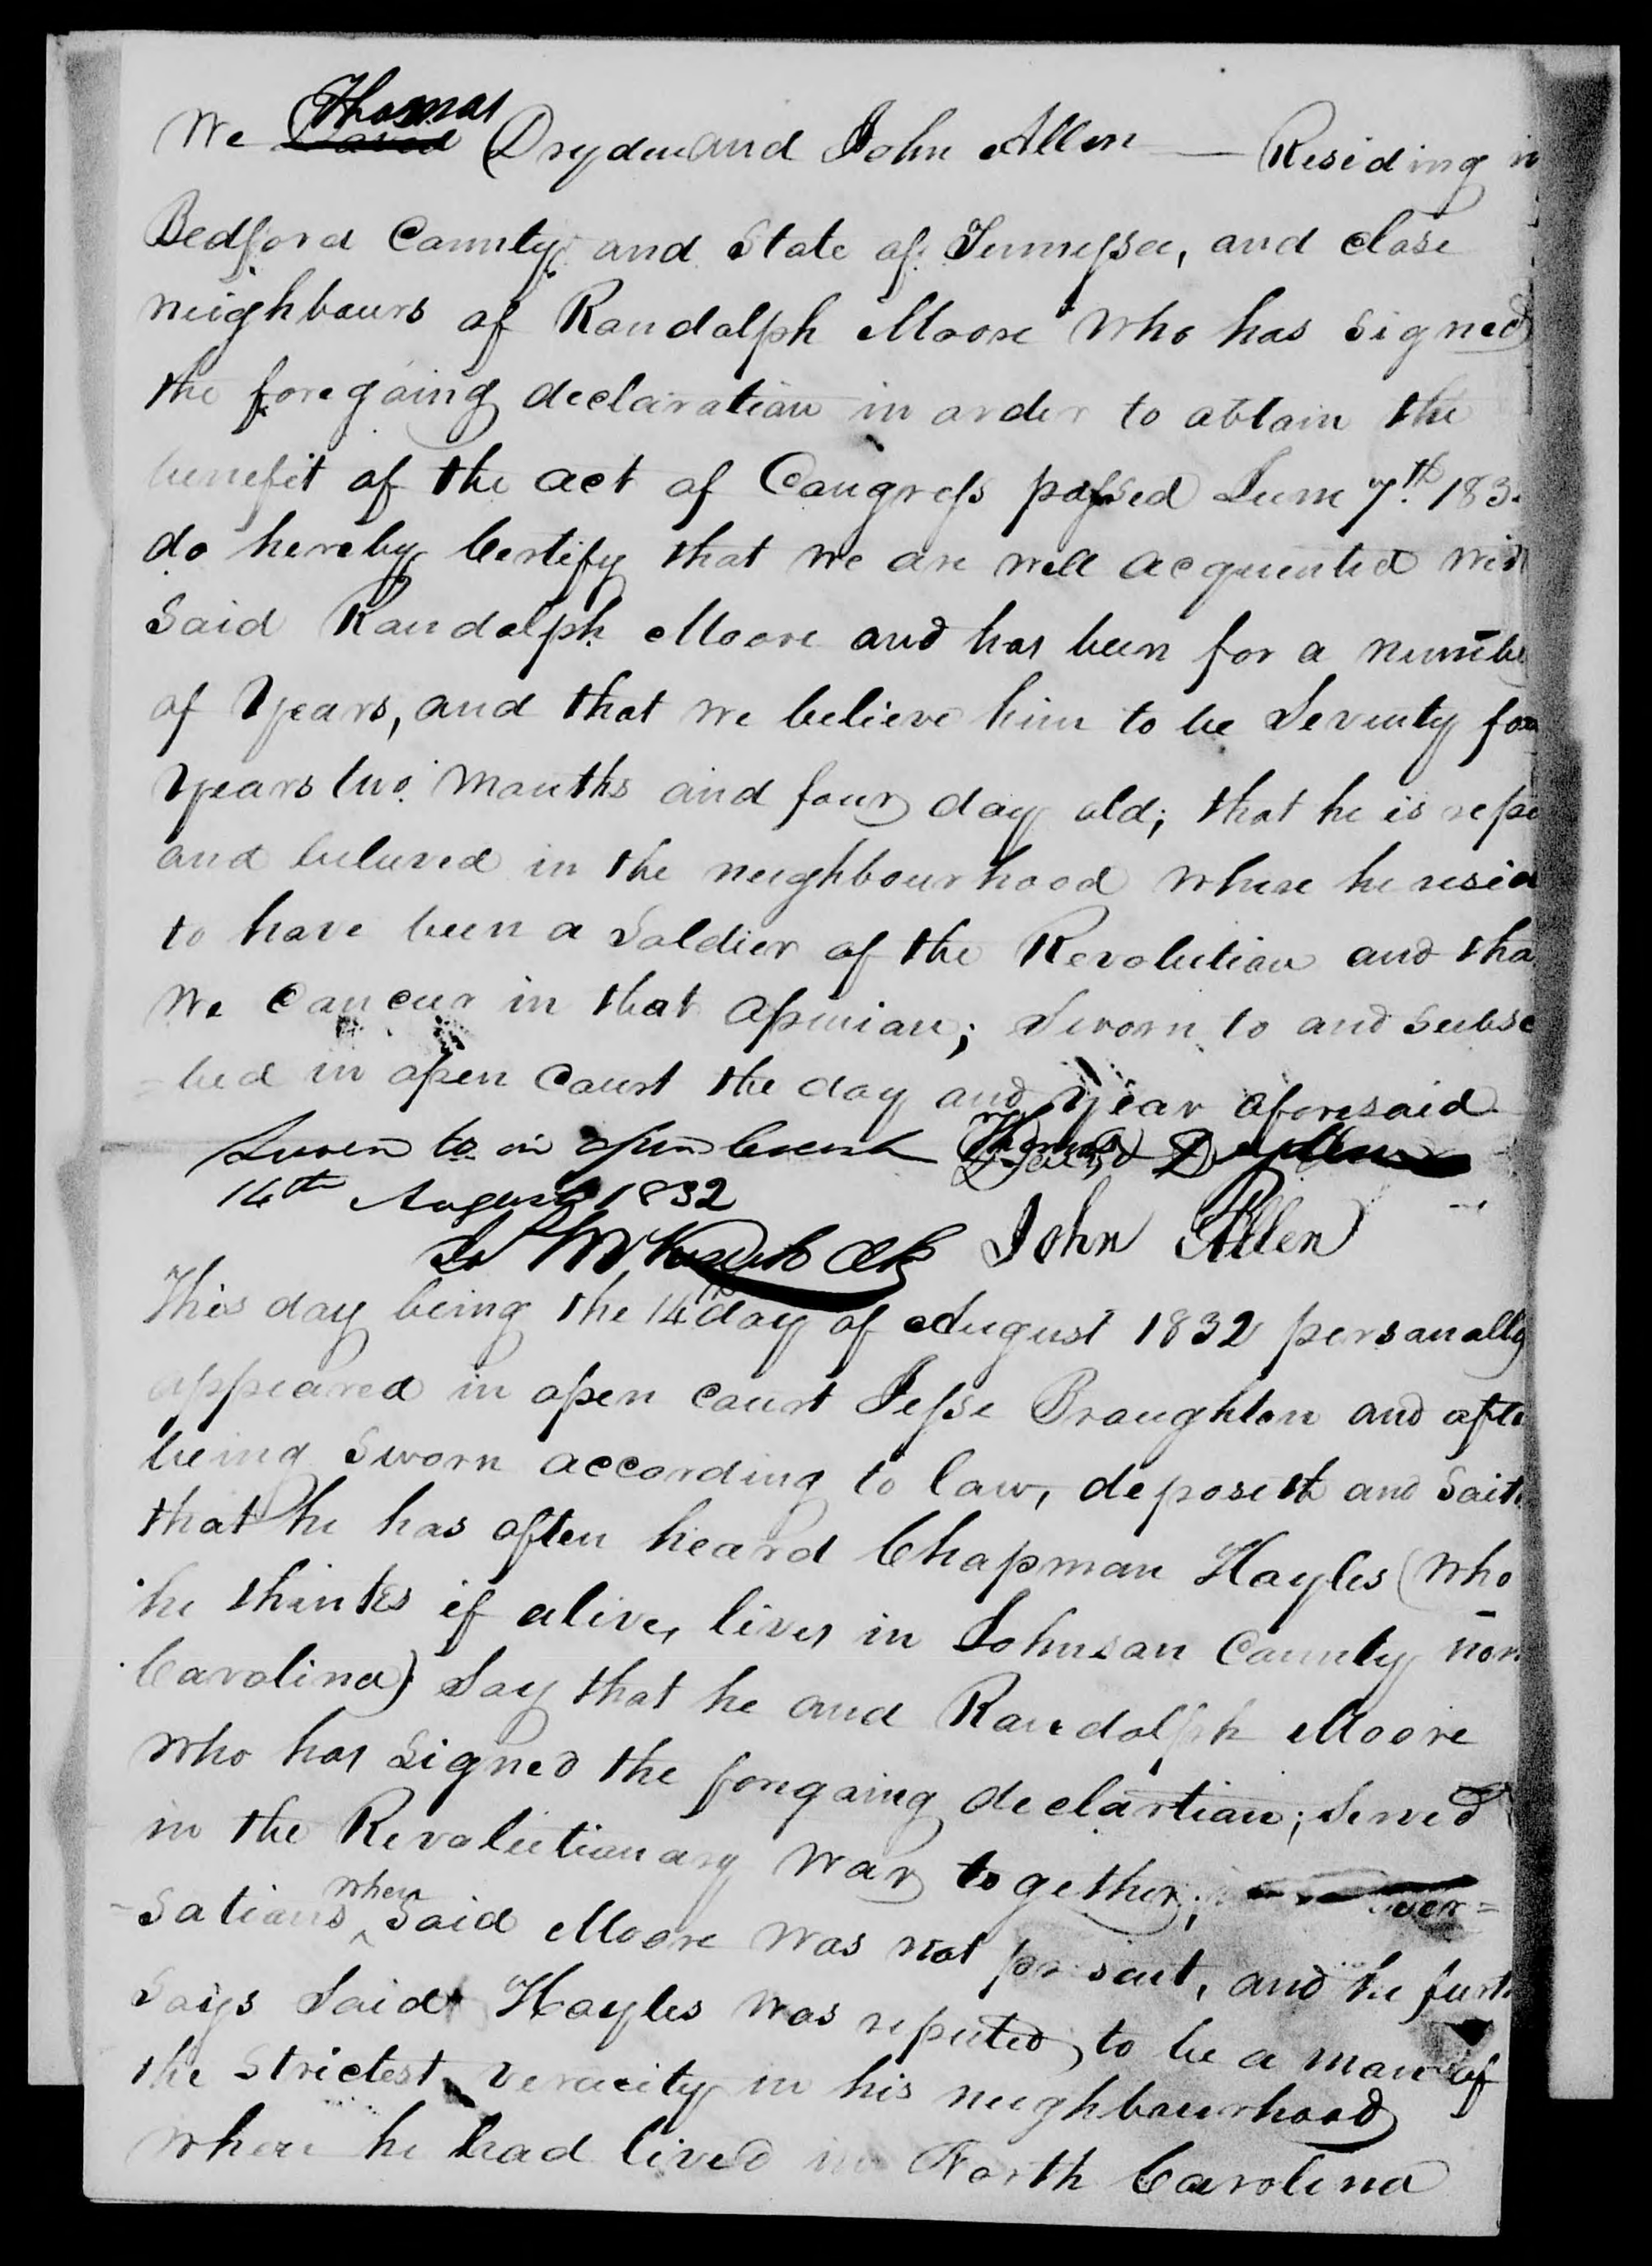We Thomas Dryden and John Allen - Residing in Bedford County and State of Tennessee, and close neighbours of Randolph Moore who has signed the foregoing declaration in order to obtain the benefit of the act of Congress passed June 7th 1832 do hereby Certify that we are well acquainted with said Randolph Moore and has been for a number of years, and that we believe him to be seventy four years two months and four days old; that he is reputed to have been a soldier of the Revolution and that we concur in that opinion; Sworn to and subscribed in open Court the day and year aforesaid.
[Signatures]
Thomas Dryden
John Allen

Sworn to in open Court 16th August 1832
[Signature]
Jas. McKisick

This day being the 14th day of August 1832 personally appeared in open court Jesee Braughton and after being sworn according to law, deposeth and saith that he has often heard Chapman Hayles (who he thinks if alive lives in Johnson County N. Carolina) say that he and Randolph Moore who has signed the foregoing declaration served in the Revolutionary war together even says said Hayles was reputed to be a man of the stricitest veracity in his neighbourhood where he had lived in North Carolina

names: Jesse Braughton; John Allen; Randolph Moore; Jas Mc Kisick; Chapman Hayles; Thomas Dryden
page: 10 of 33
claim: widow's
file: W. 52, for Randolph Moore, North Carolina